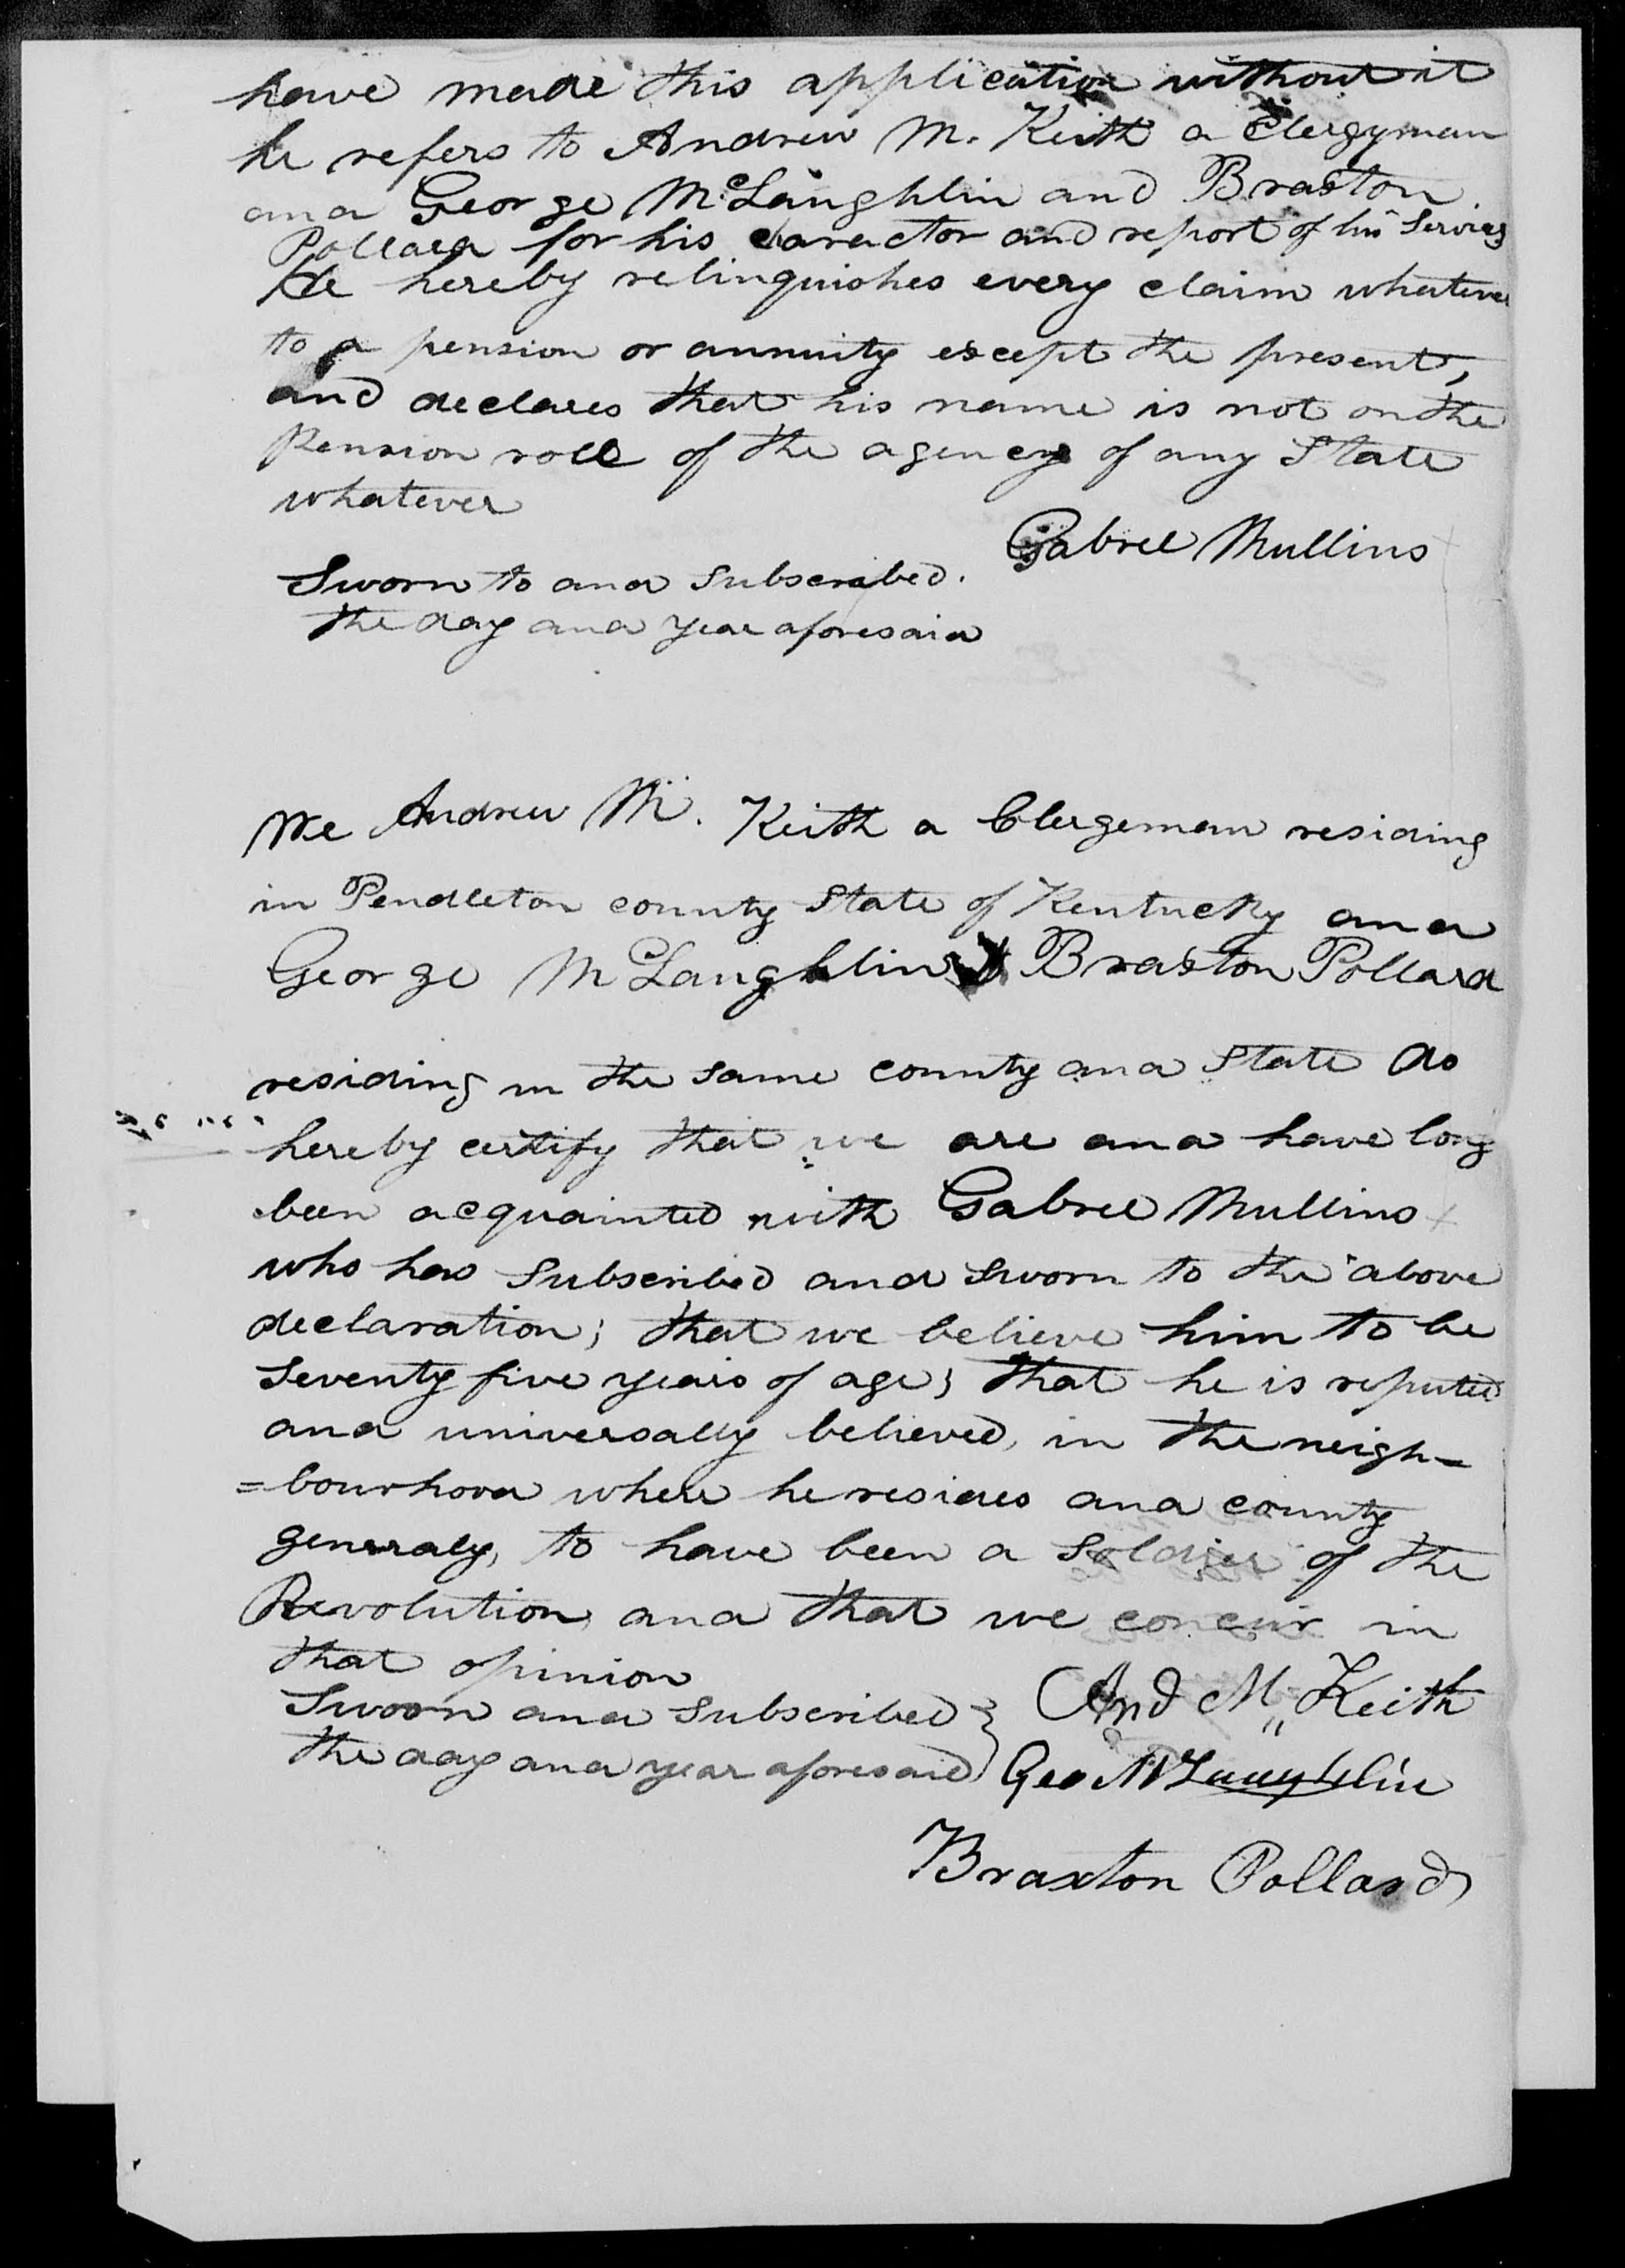have made this application without it
he refers to Andrew M. Keith a Clergyman
and George McLaughlin and Braxton
Pollard for his character and report of his services
He hereby relinquishes every claim whatever
to a pension or annuity except the present,
and declares that his name is not on the
pension roll of the agency of any State
whatever
                         Gabrel Mullins
Sworn to and subscribed
the day and year aforesaid

We Andrew M. Keith a Clergiman residing
in Pendleton County State of Kentucky and
George M Laughlin & Braxton Pollard
residing in the same County and State do
hereby certify that we are and have long
been acquainted with Gabrel Mullins
who has subscribed and sworn to the above
declaration; that we believe him to be
Seventy five years of age; that he is reputed
and universally believed, in the neigh-
borhood where he resides and county
generally, to have been a soldier of the
Revolution, and that we concur in
that opinion
Sworn and Subscribed
the day and year aforesaid  And M Keith
Geo W Laughlin
Braxton Pollard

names: Gabrel Mullins; George Mc Laughlin; Andrew M Keith; Braston Pollard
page: 7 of 34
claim: survivor's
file: S. 30608, for Gabrel Mullins, Virginia